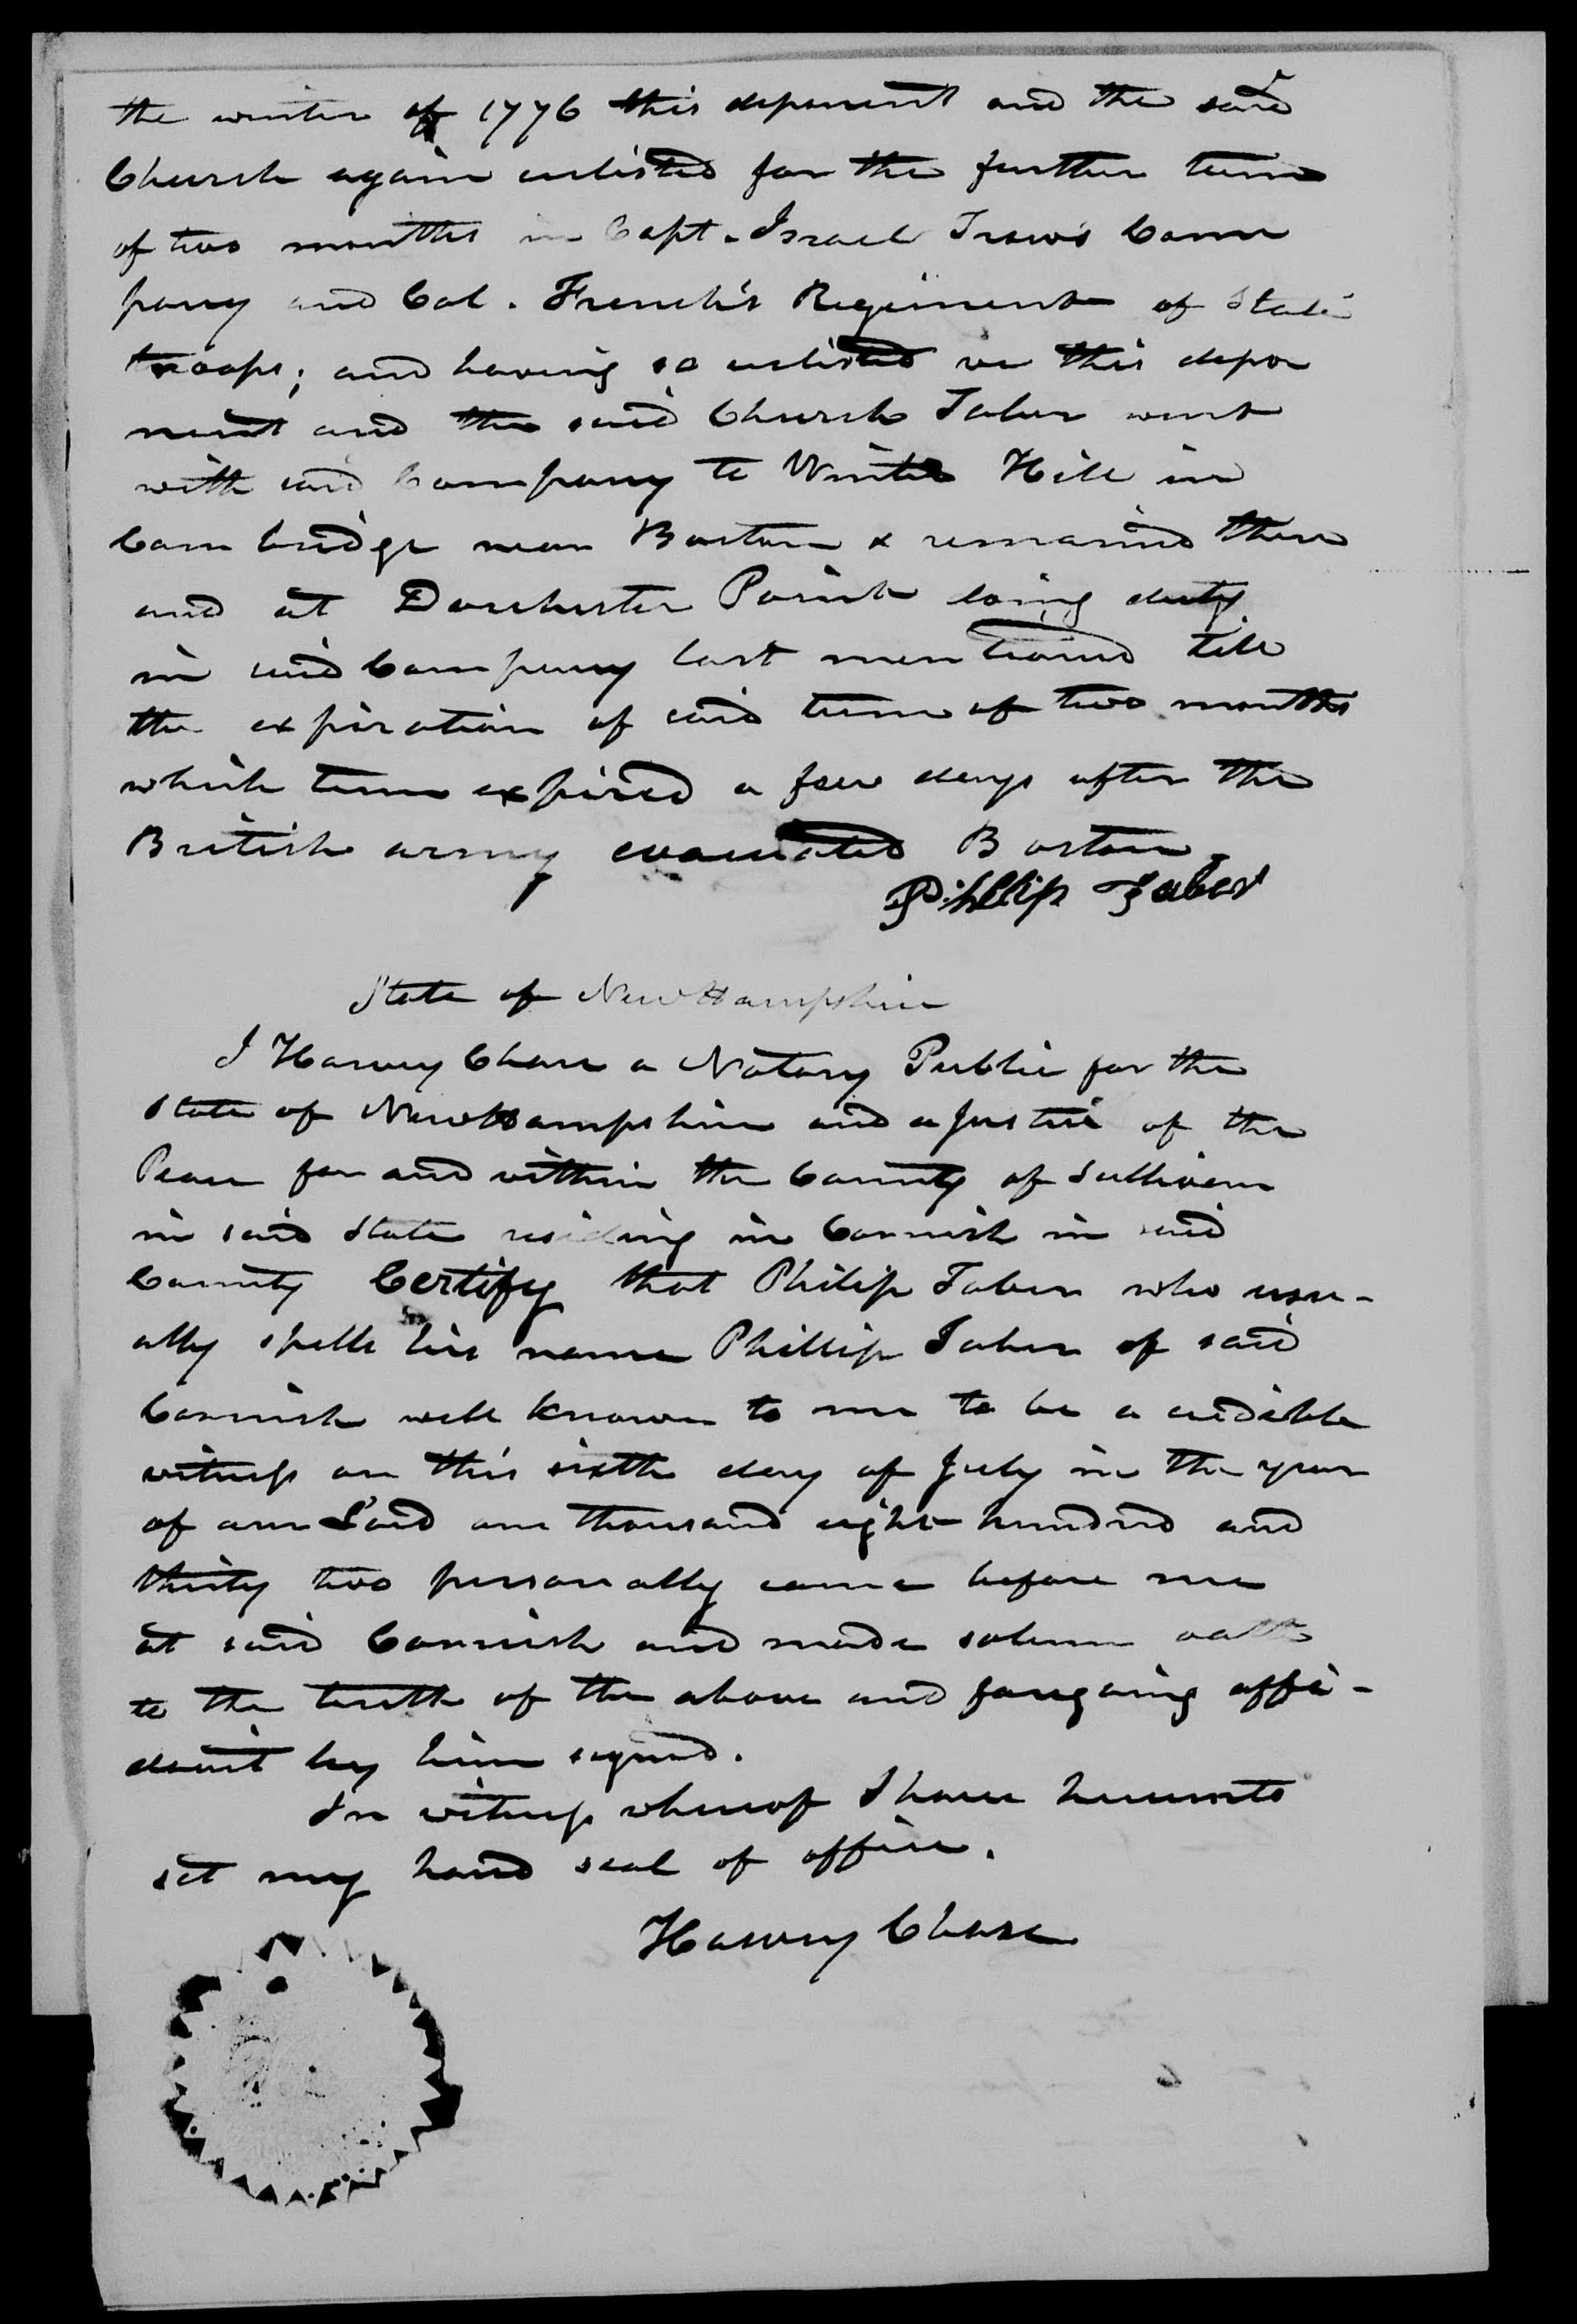the winter of 1776 this deponent and the said Church again inlisted for the further term of two months in Capt. Israel Trow's Company and Col. French's Regiment of State troops; and having so inlisted in this deponent and the said Church Tabor went with said company to Winter Hill in Cambridge near Boston & remained there and at Dorchester Point doing duty in said company last mentioned till the expiration of said term of two months which time expired a few days after the British army evacuated Boston.
Phillip Taber

State of New Hampshire
I Harvey Chase a Notary Public for the State of New Hampshire and a Justice of the Peace for and within the County of Sullivan in said State residing in Cornish in said County Certify that Philip Taber who usually spells his name Phillip Taber of said Cornish, well known to me to be a credible witness on this sixth day of July in the year of our Lord one thousand eight hundred and thirty two personally came before me at said Cornish and made solemn oath to the truth of the above and foregoing affidavit by him signed.
In witness whereof I have hereunto set my hand seal of office
Harvey Chase
(Seal)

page: 26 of 41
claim: widow's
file: W 26507, for Church Tabor, Massachusetts